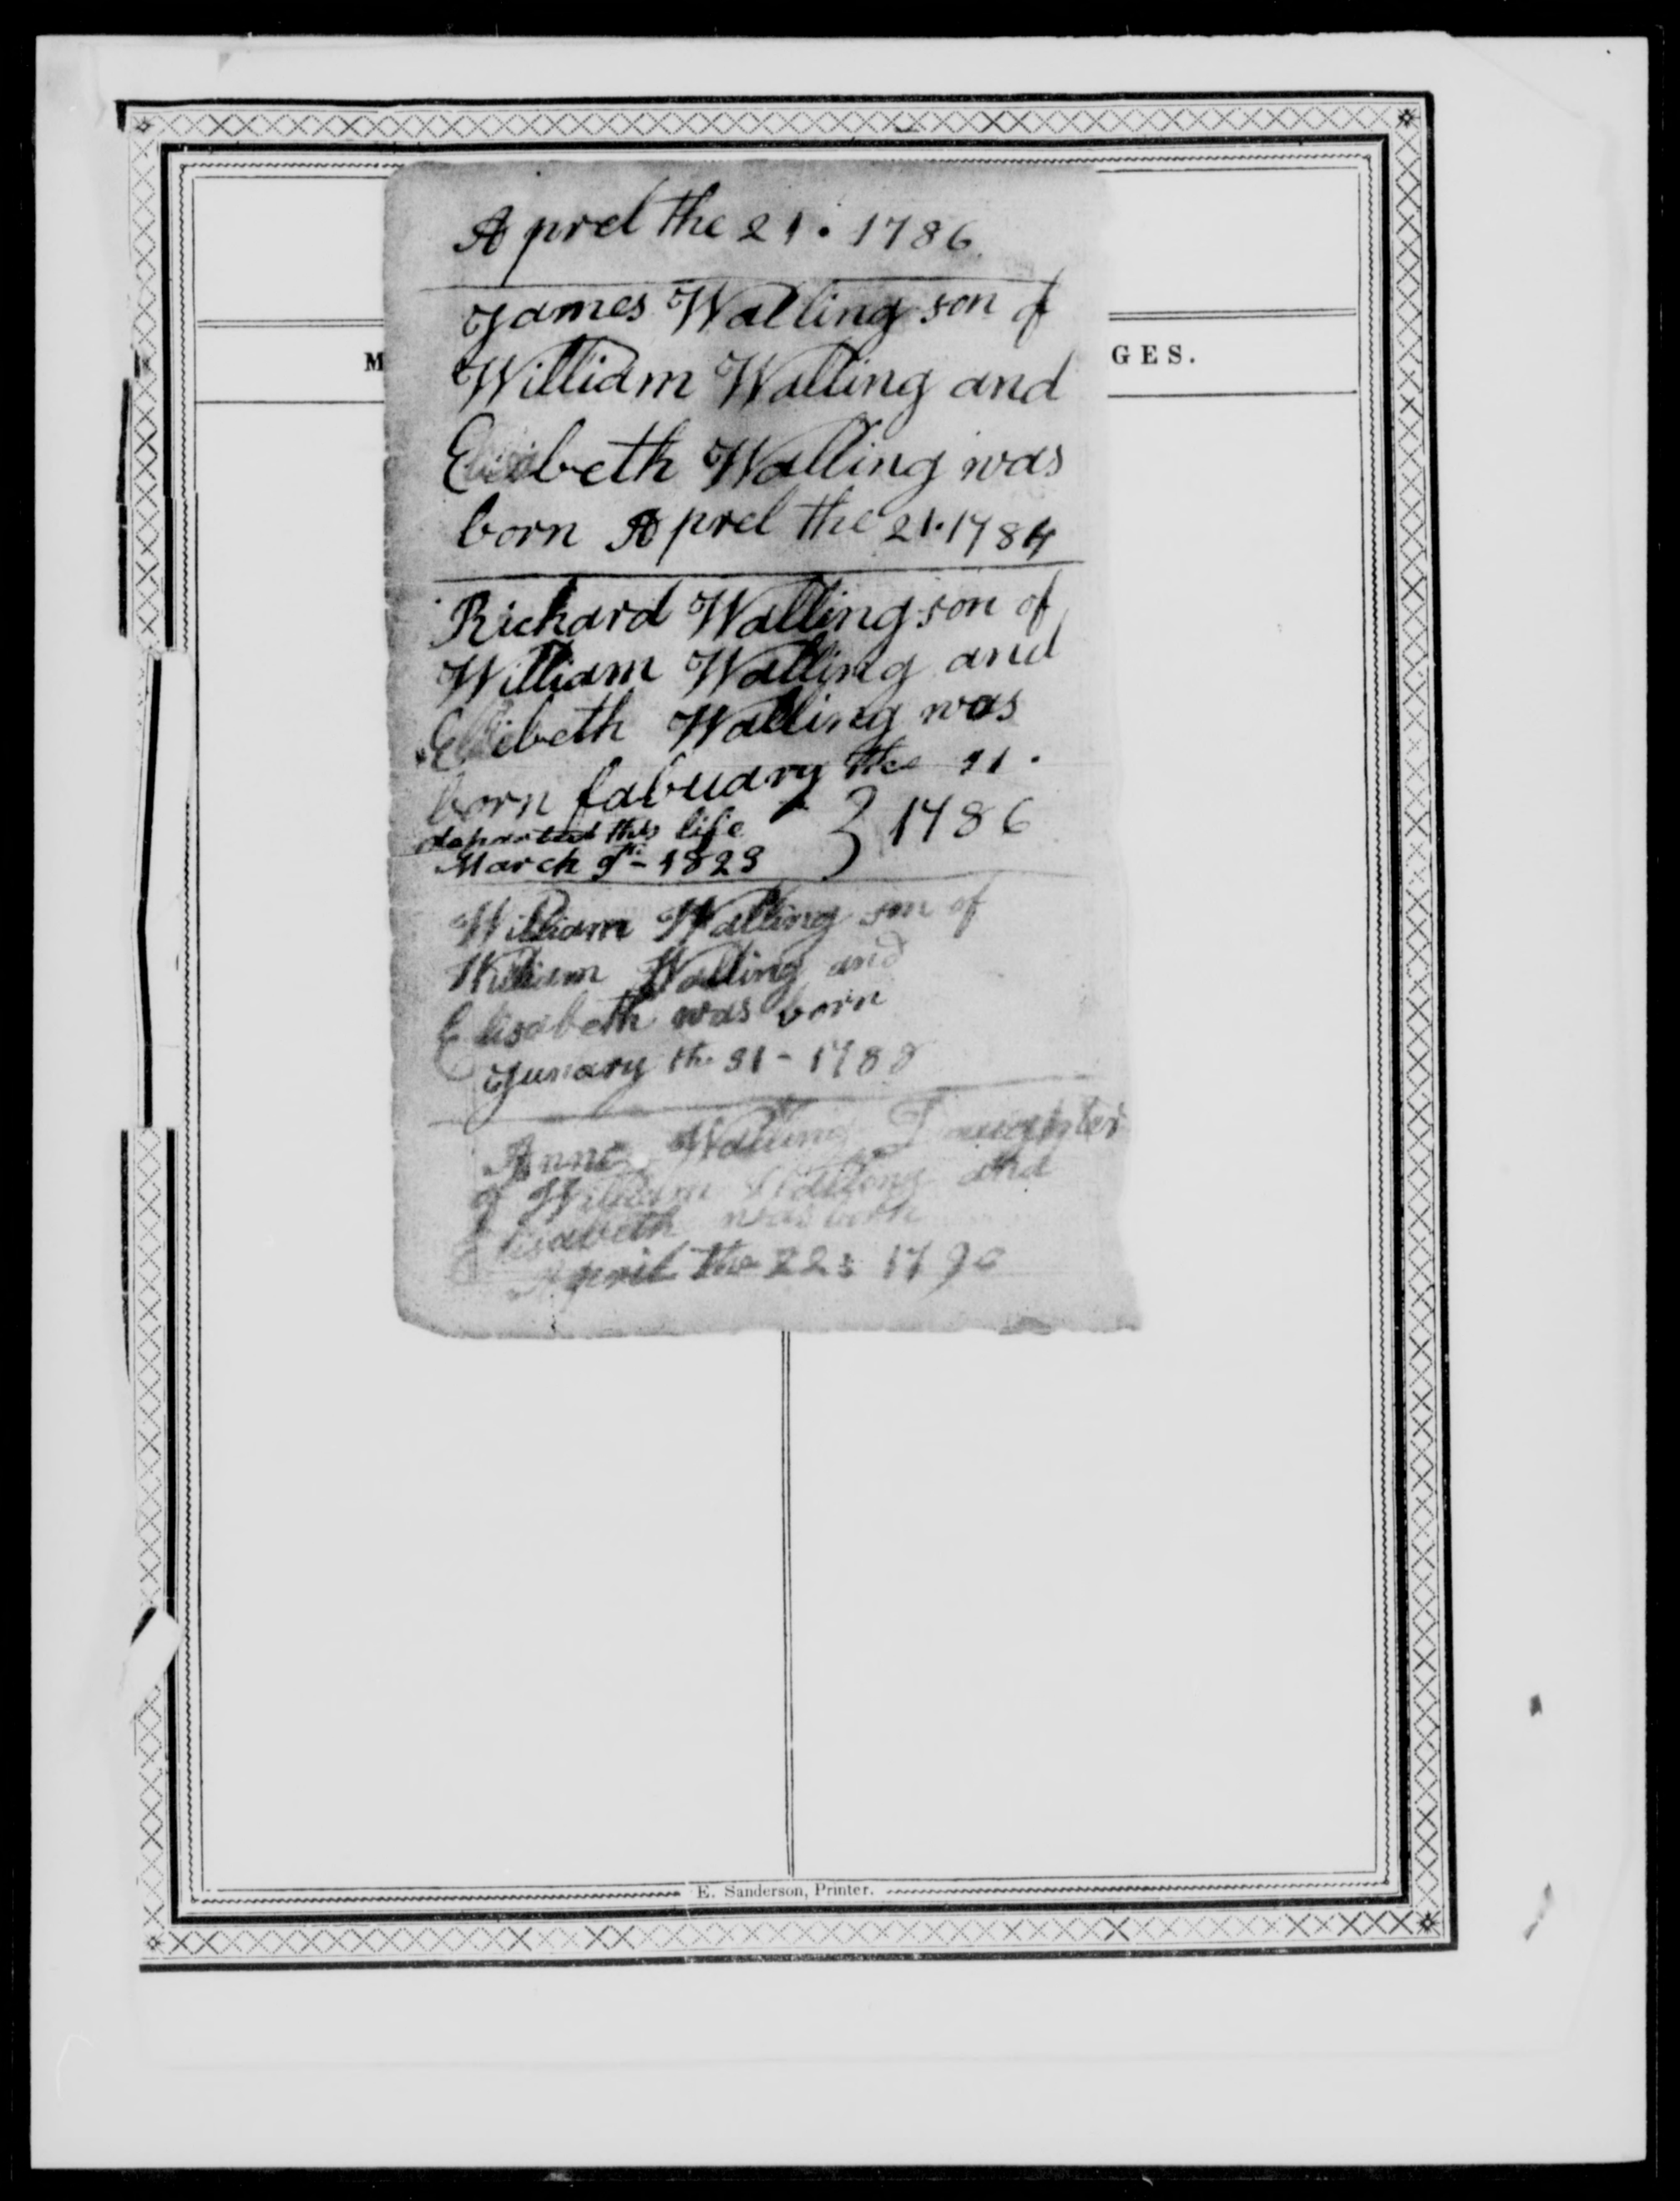April the 21 1786
James Walling son of William Walling and Elisabeth Walling was born April the 21 1784
Richard Walling son of William Walling and Elisabeth Walling was born February the 11 1786, departed this life March 9th 1823
William Walling son of William Walling and Elisabeth was born January the 31 1788
Anna Walling daughter of William Walling and Elisabeth was both April the 22 1790
E. Sanderson, Printer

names: William Walling, Elisabeth, James Walling, William Walling, William Walling, Elisabeth Walling, Elisabeth Walling, Richard Walling, William Walling, William Walling, Anne Walling, Elisabeth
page: 5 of 66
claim: widow's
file: W. 19588, William Walling, New Jersey